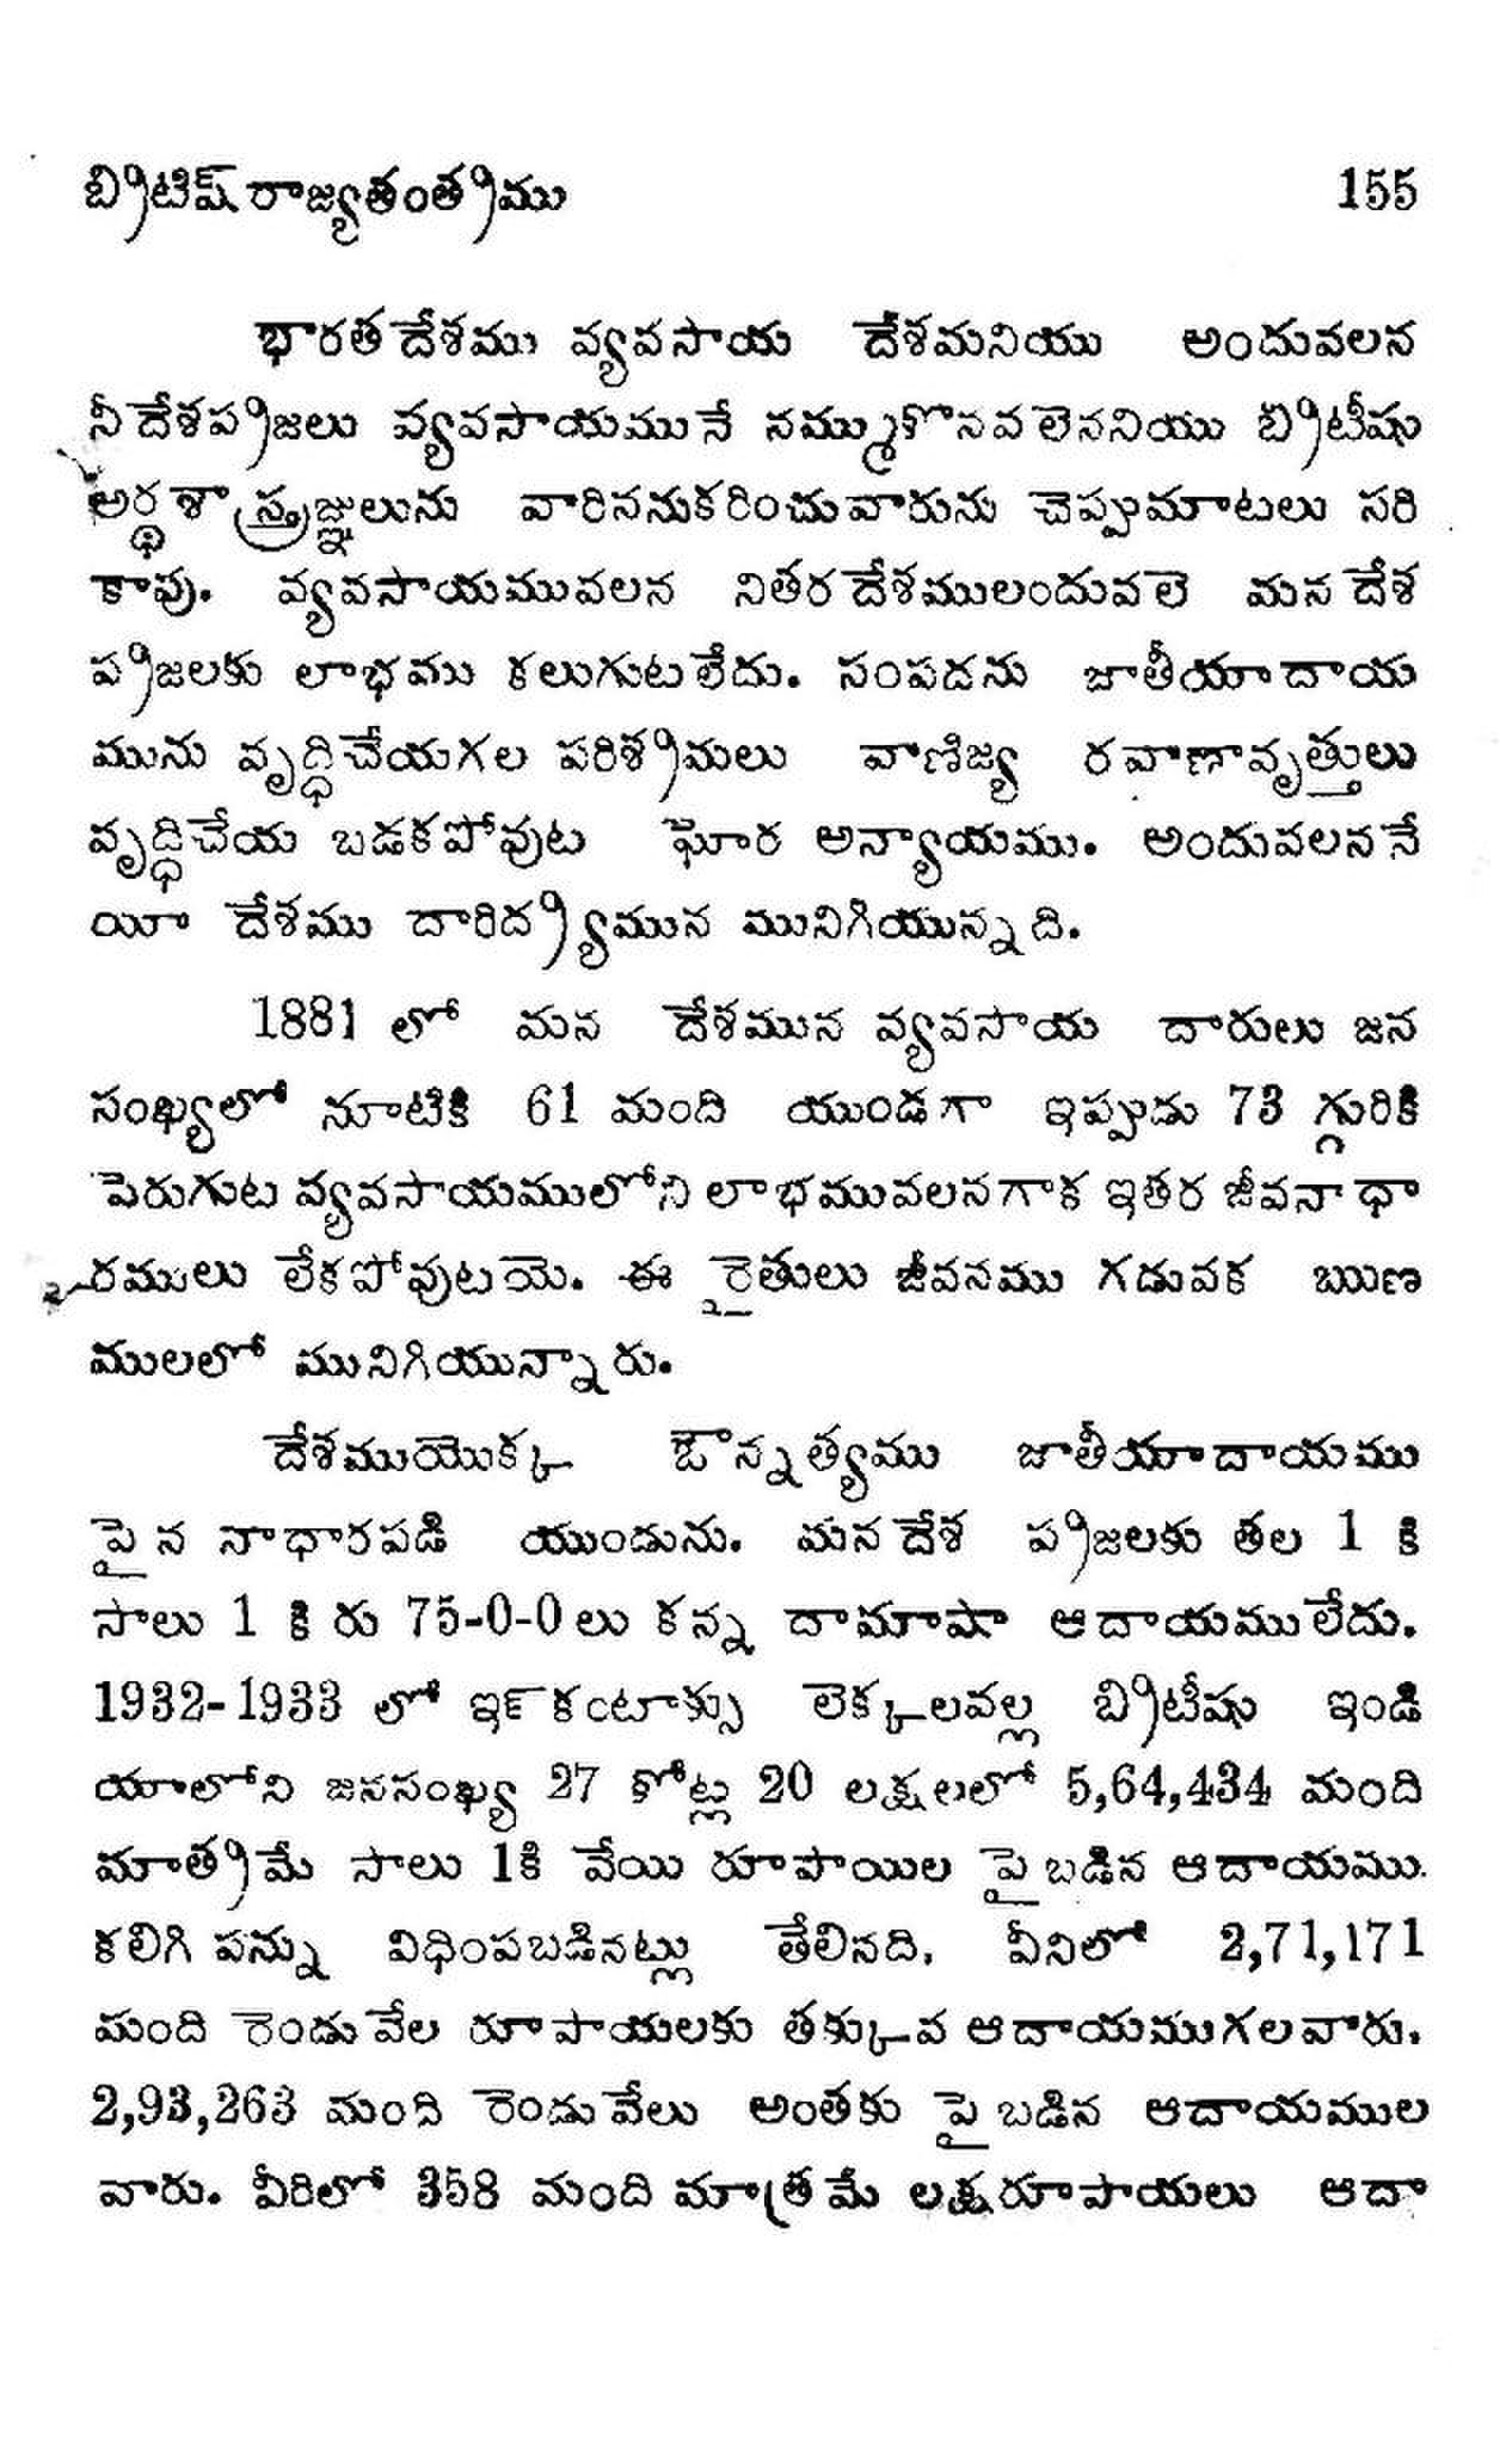భారతదేశము వ్యవసాయ దేశమనియు అందువలన నీదేశప్రజలు వ్యవసాయమునే నమ్ముకొనవలెననియు బ్రిటీషు అర్థశాస్త్రజ్ఞులును వారిననుకరించువారును చెప్పుమాటలు సరికావు. వ్యవసాయమువలన నితరదేశములందువలె మనదేశ ప్రజలకు లాభము కలుగుట లేదు. సంపదను జాతీయాదాయమును వృద్ధిచేయగల పరిశ్రమలు వాణిజ్య రవాణావృత్తులు వృద్ధిచేయ బడకపోవుట ఘోర అన్యాయము. అందువలననే యీ దేశము దారిద్ర్యమున మునిగియున్నది.

1881 లో మన దేశమున వ్యవసాయ దారులు జనసంఖ్యలో నూటికి 61 మంది యుండగా ఇప్పుడు 73 గ్గురికి పెరుగుట వ్యవసాయములోని లాభమువలనగాక ఇతర జీవనాధారములు లేకపోవుటయె. ఈ రైతులు జీవనము గడువక ఋణములలో మునిగియున్నారు.

దేశముయొక్క ఔన్నత్యము జాతీయాదాయము పైన నాధారపడి యుండును. మనదేశ ప్రజలకు తల 1కి సాలు 1 కి రు 75-0-0 లు కన్న దామాషా ఆదాయములేదు. 1932-1933 లో ఇన్‌కంటాక్సు లెక్కలవల్ల బ్రిటీషు ఇండియాలోని జనసంఖ్య 27 కోట్ల 20 లక్షలలో 5,64,434 మంది మాత్రమే సాలు 1కి వేయి రూపాయిల పైబడిన ఆదాయము కలిగి పన్ను విధింపబడినట్లు తేలినది, వీనిలో 2,71,171 మంది రెండువేల రూపాయలకు తక్కువ ఆదాయముగలవారు. 2,93,263 మంది రెండు వేలు అంతకు పై బడిన ఆదాయములవారు. వీరిలో 358 మంది మాత్రమే లక్ష రూపాయలు ఆదా